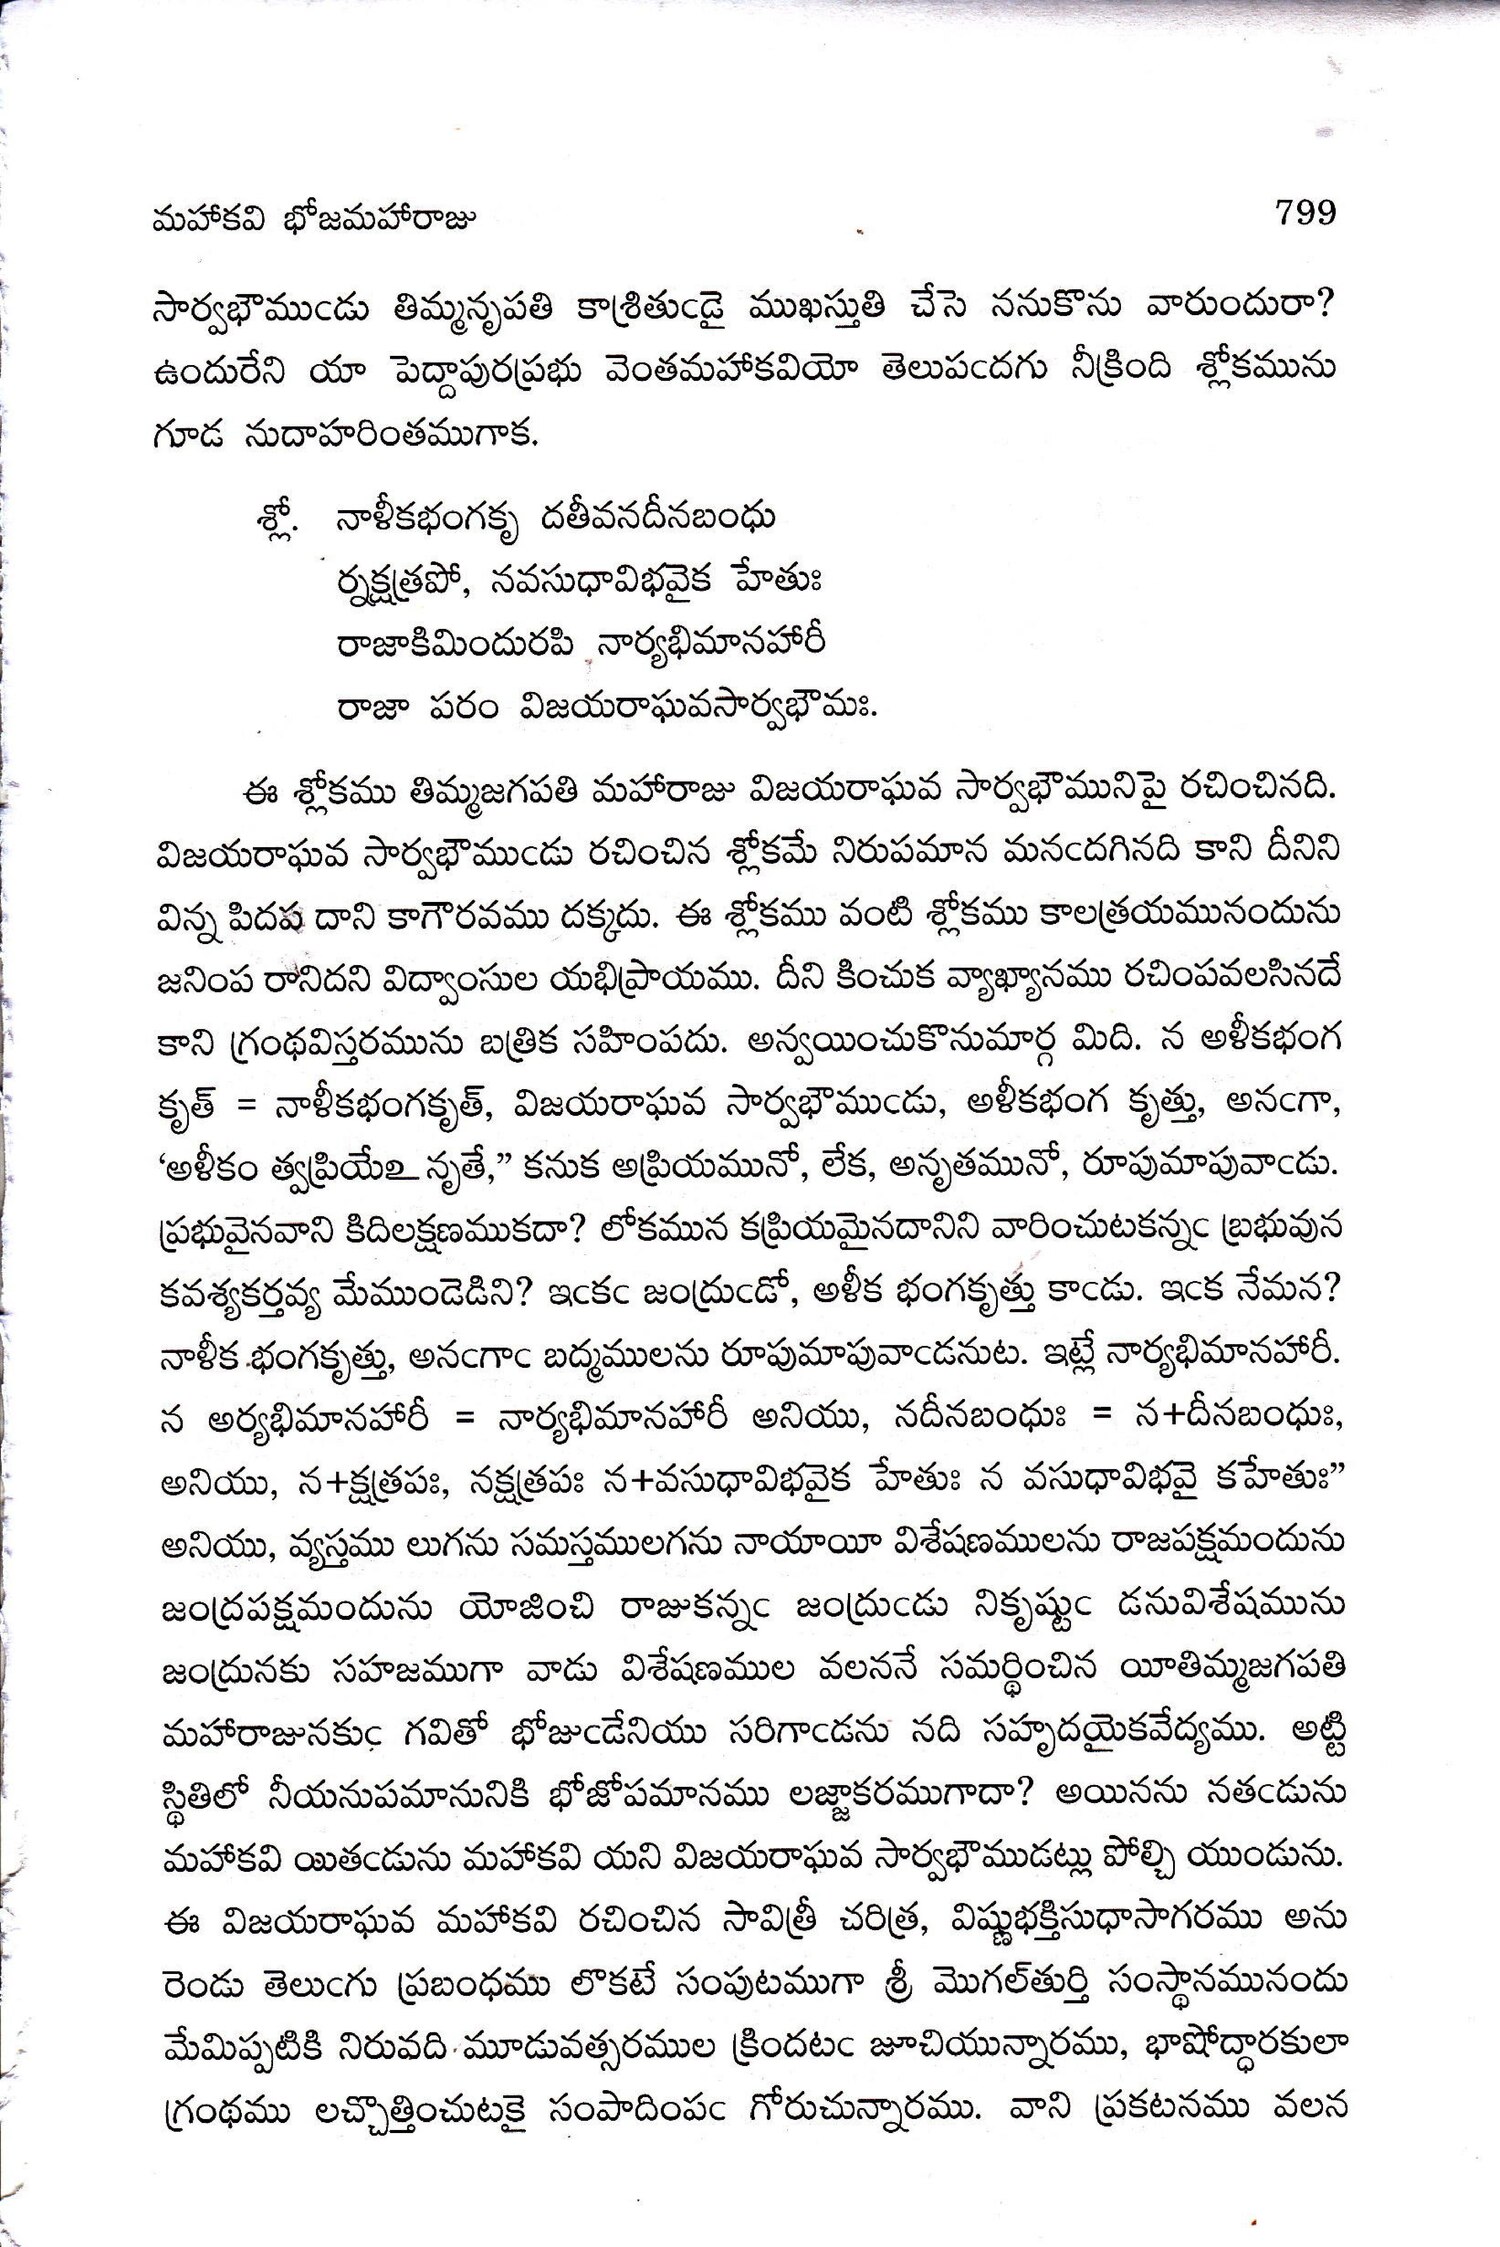సార్వభౌముఁడు తిమ్మనృపతి కాశ్రితుఁడై ముఖస్తుతి చేసె ననుకొను వారుందురా? ఉందురేని యా పెద్దాపురప్రభు వెంతమహాకవియో తెలుపఁదగు నీక్రింది శ్లోకమును గూడ నుదాహరింతముగాక.

శ్లో. నాళీకభంగకృ దతీవనదీనబంధు
 ర్నక్షత్రపో, నవసుధావిభవైక హేతుః 
 రాజాకిమిందురపి నార్యభిమానహారీ 
 రాజా పరం విజయరాఘవసార్వభౌమః.
ఈ శ్లోకము తిమ్మజగపతి మహారాజు విజయరాఘవ సార్వభౌమునిపై రచించినది. విజయరాఘవ సార్వభౌముఁడు రచించిన శ్లోకమే నిరుపమాన మనఁదగినది కాని దీనిని విన్న పిదప దాని కాగౌరవము దక్కదు. ఈ శ్లోకము వంటి శ్లోకము కాలత్రయమునందును జనింప రానిదని విద్వాంసుల యభిప్రాయము. దీని కించుక వ్యాఖ్యానము రచింపవలసినదే కాని గ్రంథవిస్తరమును బత్రిక సహింపదు. అన్వయించుకొనుమార్గ మిది. న అళీకభంగ కృత్ = నాళీకభంగకృత్, విజయరాఘవ సార్వభౌముఁడు, అళీకభంగ కృత్తు, అనఁగా, 'అళీకం త్వప్రియే౽నృతే, కనుక అప్రియమునో, లేక, అనృతమునో, రూపుమాపువాఁడు. ప్రభువైనవాని కిదిలక్షణముకదా? లోకమున కప్రియమైనదానిని వారించుటకన్నఁ బ్రభువున కవశ్యకర్తవ్య మేముండెడిని? ఇఁకఁ జంద్రుఁడో, అళీక భంగకృత్తు కాఁడు. ఇఁక నేమన? నాళీక భంగకృత్తు, అనఁగాఁ బద్మములను రూపుమాపువాఁడనుట. ఇట్లే నార్యభిమానహారీ. న అర్యభిమానహారీ = నార్యభిమానహారీ అనియు, నదీనబంధుః = న+దీనబంధుః, అనియు, న+క్షత్రపః, నక్షత్రపః న+వసుధావిభవైక హేతుః న వసుధావిభవై కహేతుః" అనియు, వ్యస్తము లుగను సమస్తములగను నాయాయీ విశేషణములను రాజపక్షమందును జంద్రపక్షమందును యోజించి రాజుకన్నఁ జంద్రుఁడు నికృష్టుఁ డనువిశేషమును జంద్రునకు సహజముగా వాడు విశేషణముల వలననే సమర్ధించిన యీతిమ్మజగపతి మహారాజునకుఁ గవితో భోజుఁడేనియు సరిగాఁడను నది సహృదయైకవేద్యము. అట్టి స్థితిలో నీయనుపమానునికి భోజోపమానము లజ్జాకరముగాదా? అయినను నతఁడును మహాకవి యితఁడును మహాకవి యని విజయరాఘవ సార్వభౌముడట్లు పోల్చి యుండును. ఈ విజయరాఘవ మహాకవి రచించిన సావిత్రీ చరిత్ర, విష్ణుభక్తిసుధాసాగరము అను రెండు తెలుఁగు ప్రబంధము లొకటే సంపుటముగా శ్రీ మొగల్‌తుర్తి సంస్థానమునందు మేమిప్పటికి నిరువది మూడువత్సరముల క్రిందటఁ జూచియున్నారము, భాషోద్ధారకులా గ్రంథము లచ్చొత్తించుటకై సంపాదింపఁ గోరుచున్నారము. వాని ప్రకటనము వలన